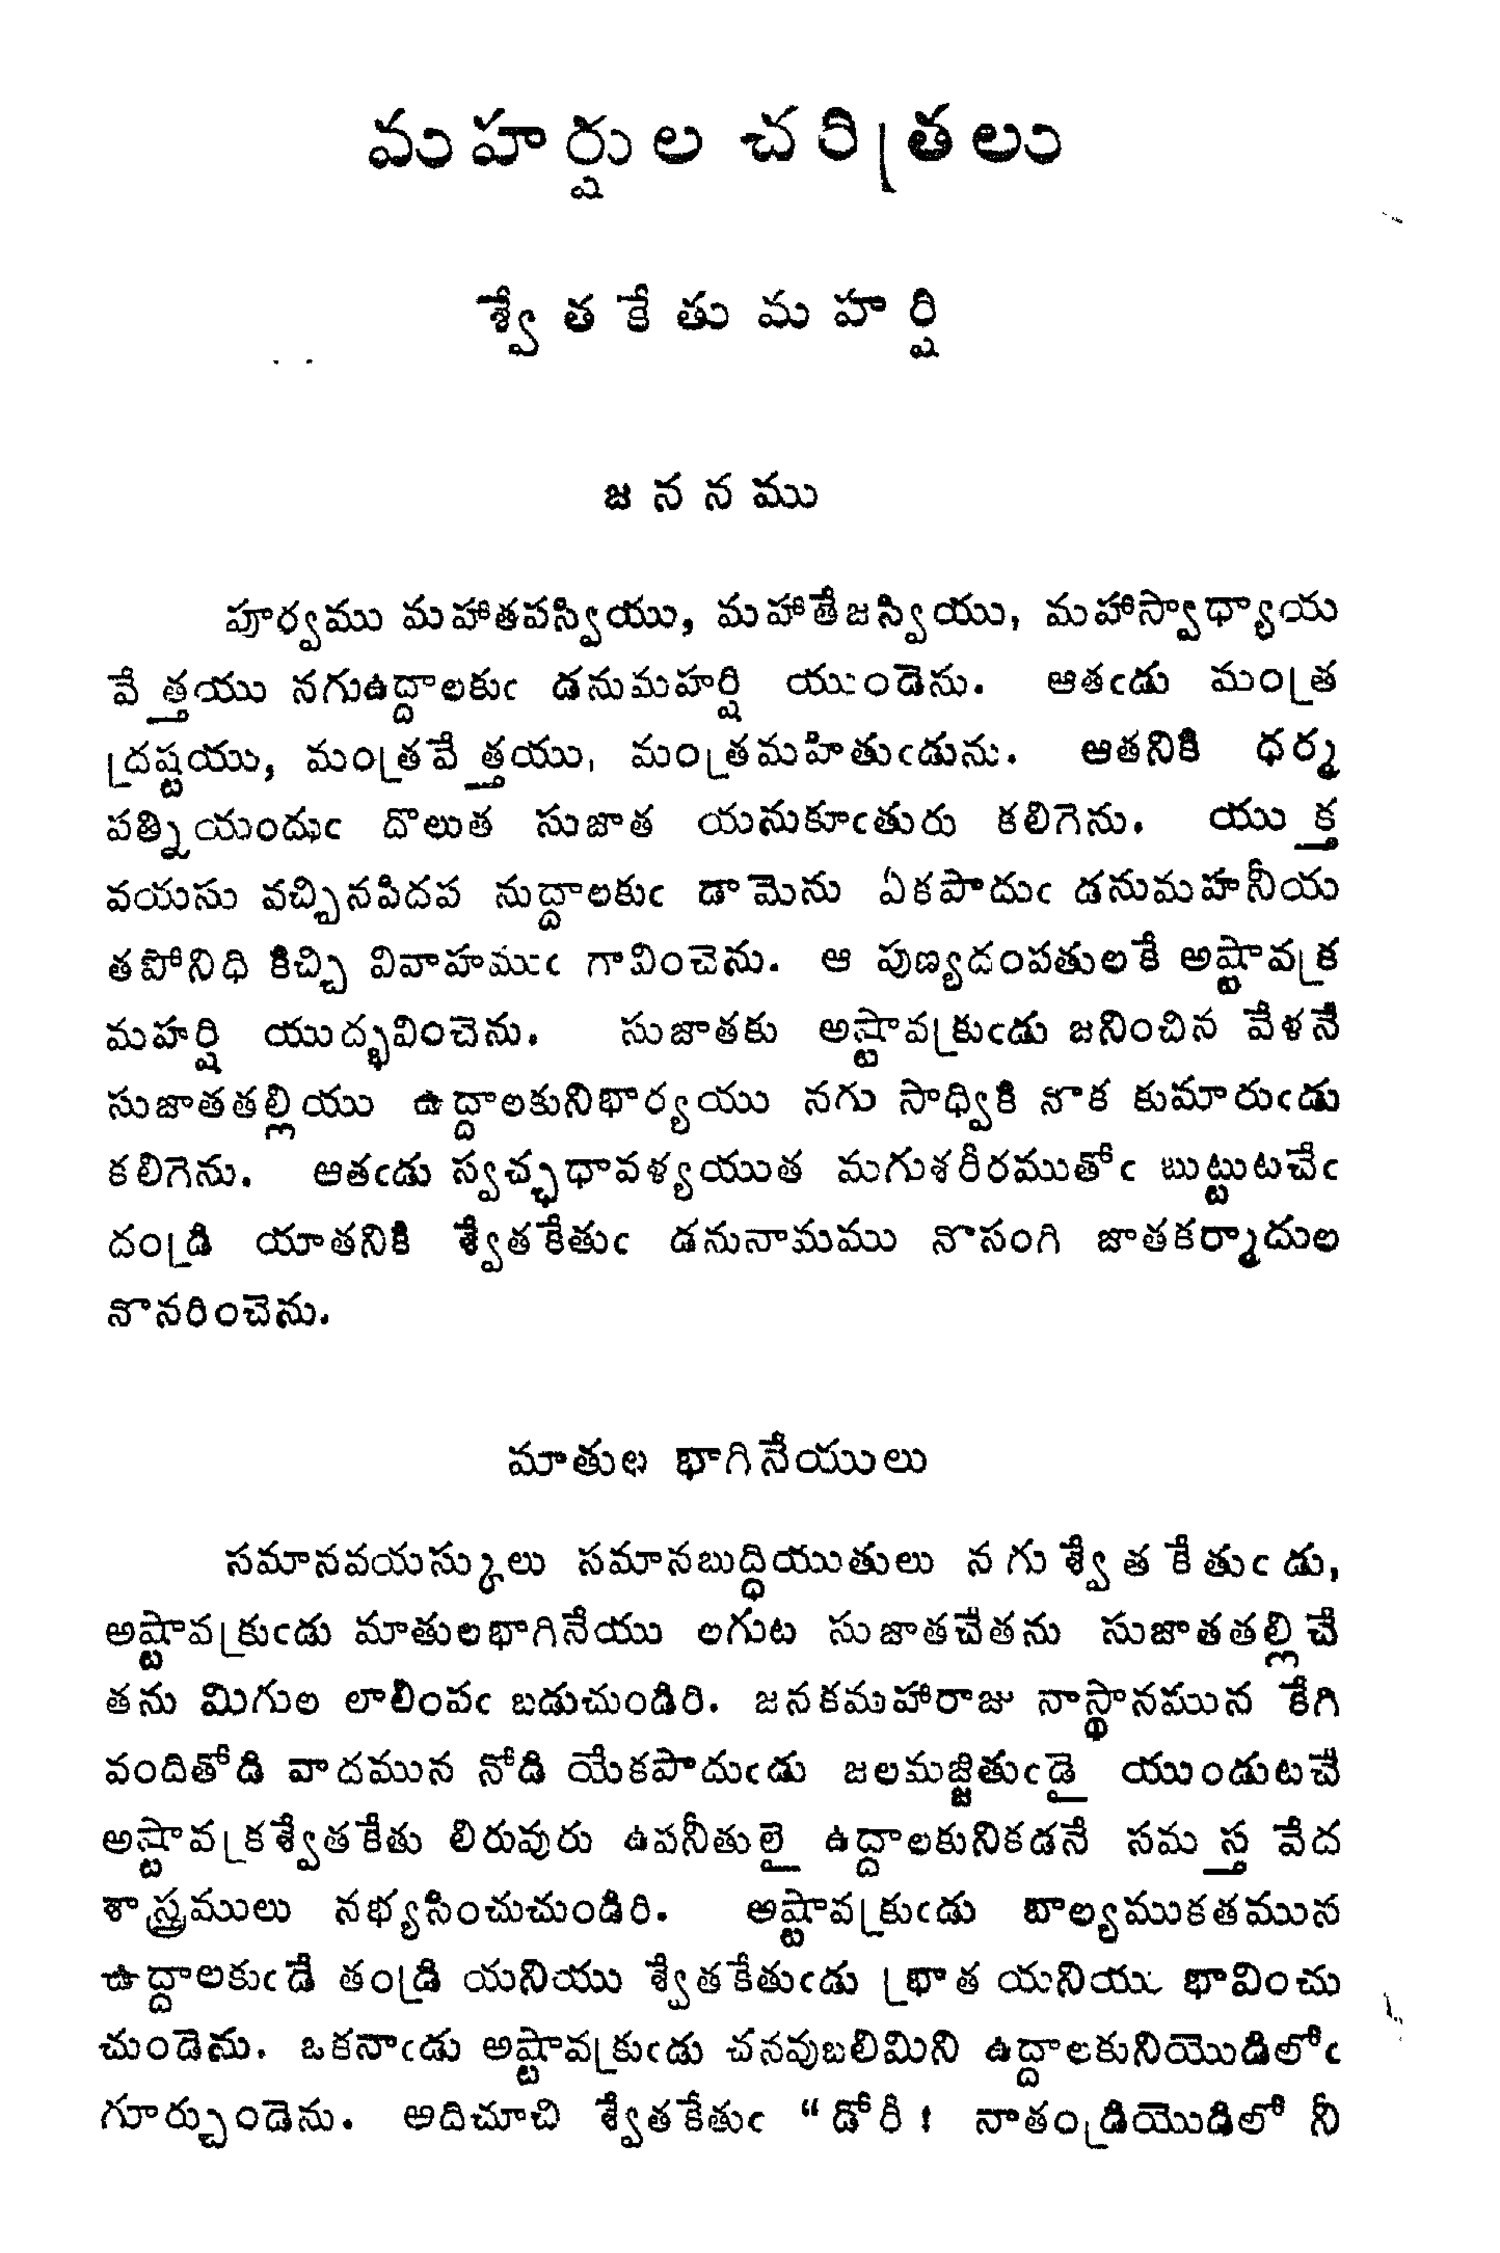మహర్షుల చరిత్రలు

శ్వేతకేతు మహర్షి

జననము

పూర్వము మహాతపస్వియు, మహాతేజస్వియు, మహాస్వాధ్యాయ వేత్తయు నగుఉద్దాలకుఁ డను మహర్షి యుండెను. ఆతఁడు మంత్ర ద్రష్టయు, మంత్రవేత్తయు, మంత్రమహితుఁడును. అతనికి ధర్మపత్నియందుఁ దొలుత సుజాత యనుకూఁతురు కలిగెను. యుక్తవయసు వచ్చినపిదప నుద్దాలకుఁ డామెను ఏకపాదుఁ డనుమహనీయ తపోనిధి కిచ్చి వివాహముఁ గావించెను. ఆ పుణ్యదంపతులకే అష్టావక్ర మహర్షి యుద్భవించెను. సుజాతకు అష్టావక్రుఁడు జనించిన వేళనే సుజాతతల్లియు ఉద్దాలకునిభార్యయు నగు సాధ్వికి నొక కుమారుఁడు కలిగెను. ఆతఁడు స్వచ్ఛధావళ్యయుత మగుశరీరముతోఁ బుట్టుటచేఁ దండ్రి యాతనికి శ్వేతకేతుఁ డనునామము నొసంగి జాతకర్మాదుల నొనరించెను.

మాతుల భాగినేయులు 

సమానవయస్కులు సమానబుద్ధియుతులు నగు శ్వేత కేతుఁడు, అష్టావక్రుఁడు మాతులభాగినేయు లగుట సుజాతచేతను సుజాతతల్లిచే తను మిగుల లాలింపఁ బడుచుండిరి. జనకమహారాజు నాస్థానమున కేగి వందితోడి వాదమున నోడి యేకపాదుఁడు జలమజ్జితుఁడై యుండుటచే అష్టావక్రశ్వేతకేతు లిరువురు ఉపనీతులై ఉద్దాలకునికడనే సమస్త వేదశాస్త్రములు నభ్యసించుచుండిరి. అష్టావక్రుఁడు బాల్యముకతమున ఉద్దాలకుఁడే తండ్రి యనియు శ్వేతకేతుఁడు భ్రాత యనియు భావించు చుండెను. ఒకనాఁడు అష్టావక్రుఁడు చనవుబలిమిని ఉద్దాలకునియొడిలోఁ గూర్చుండెను. అదిచూచి శ్వేతకేతుఁ “ డోరీ ! నాతండ్రియొడిలో నీ